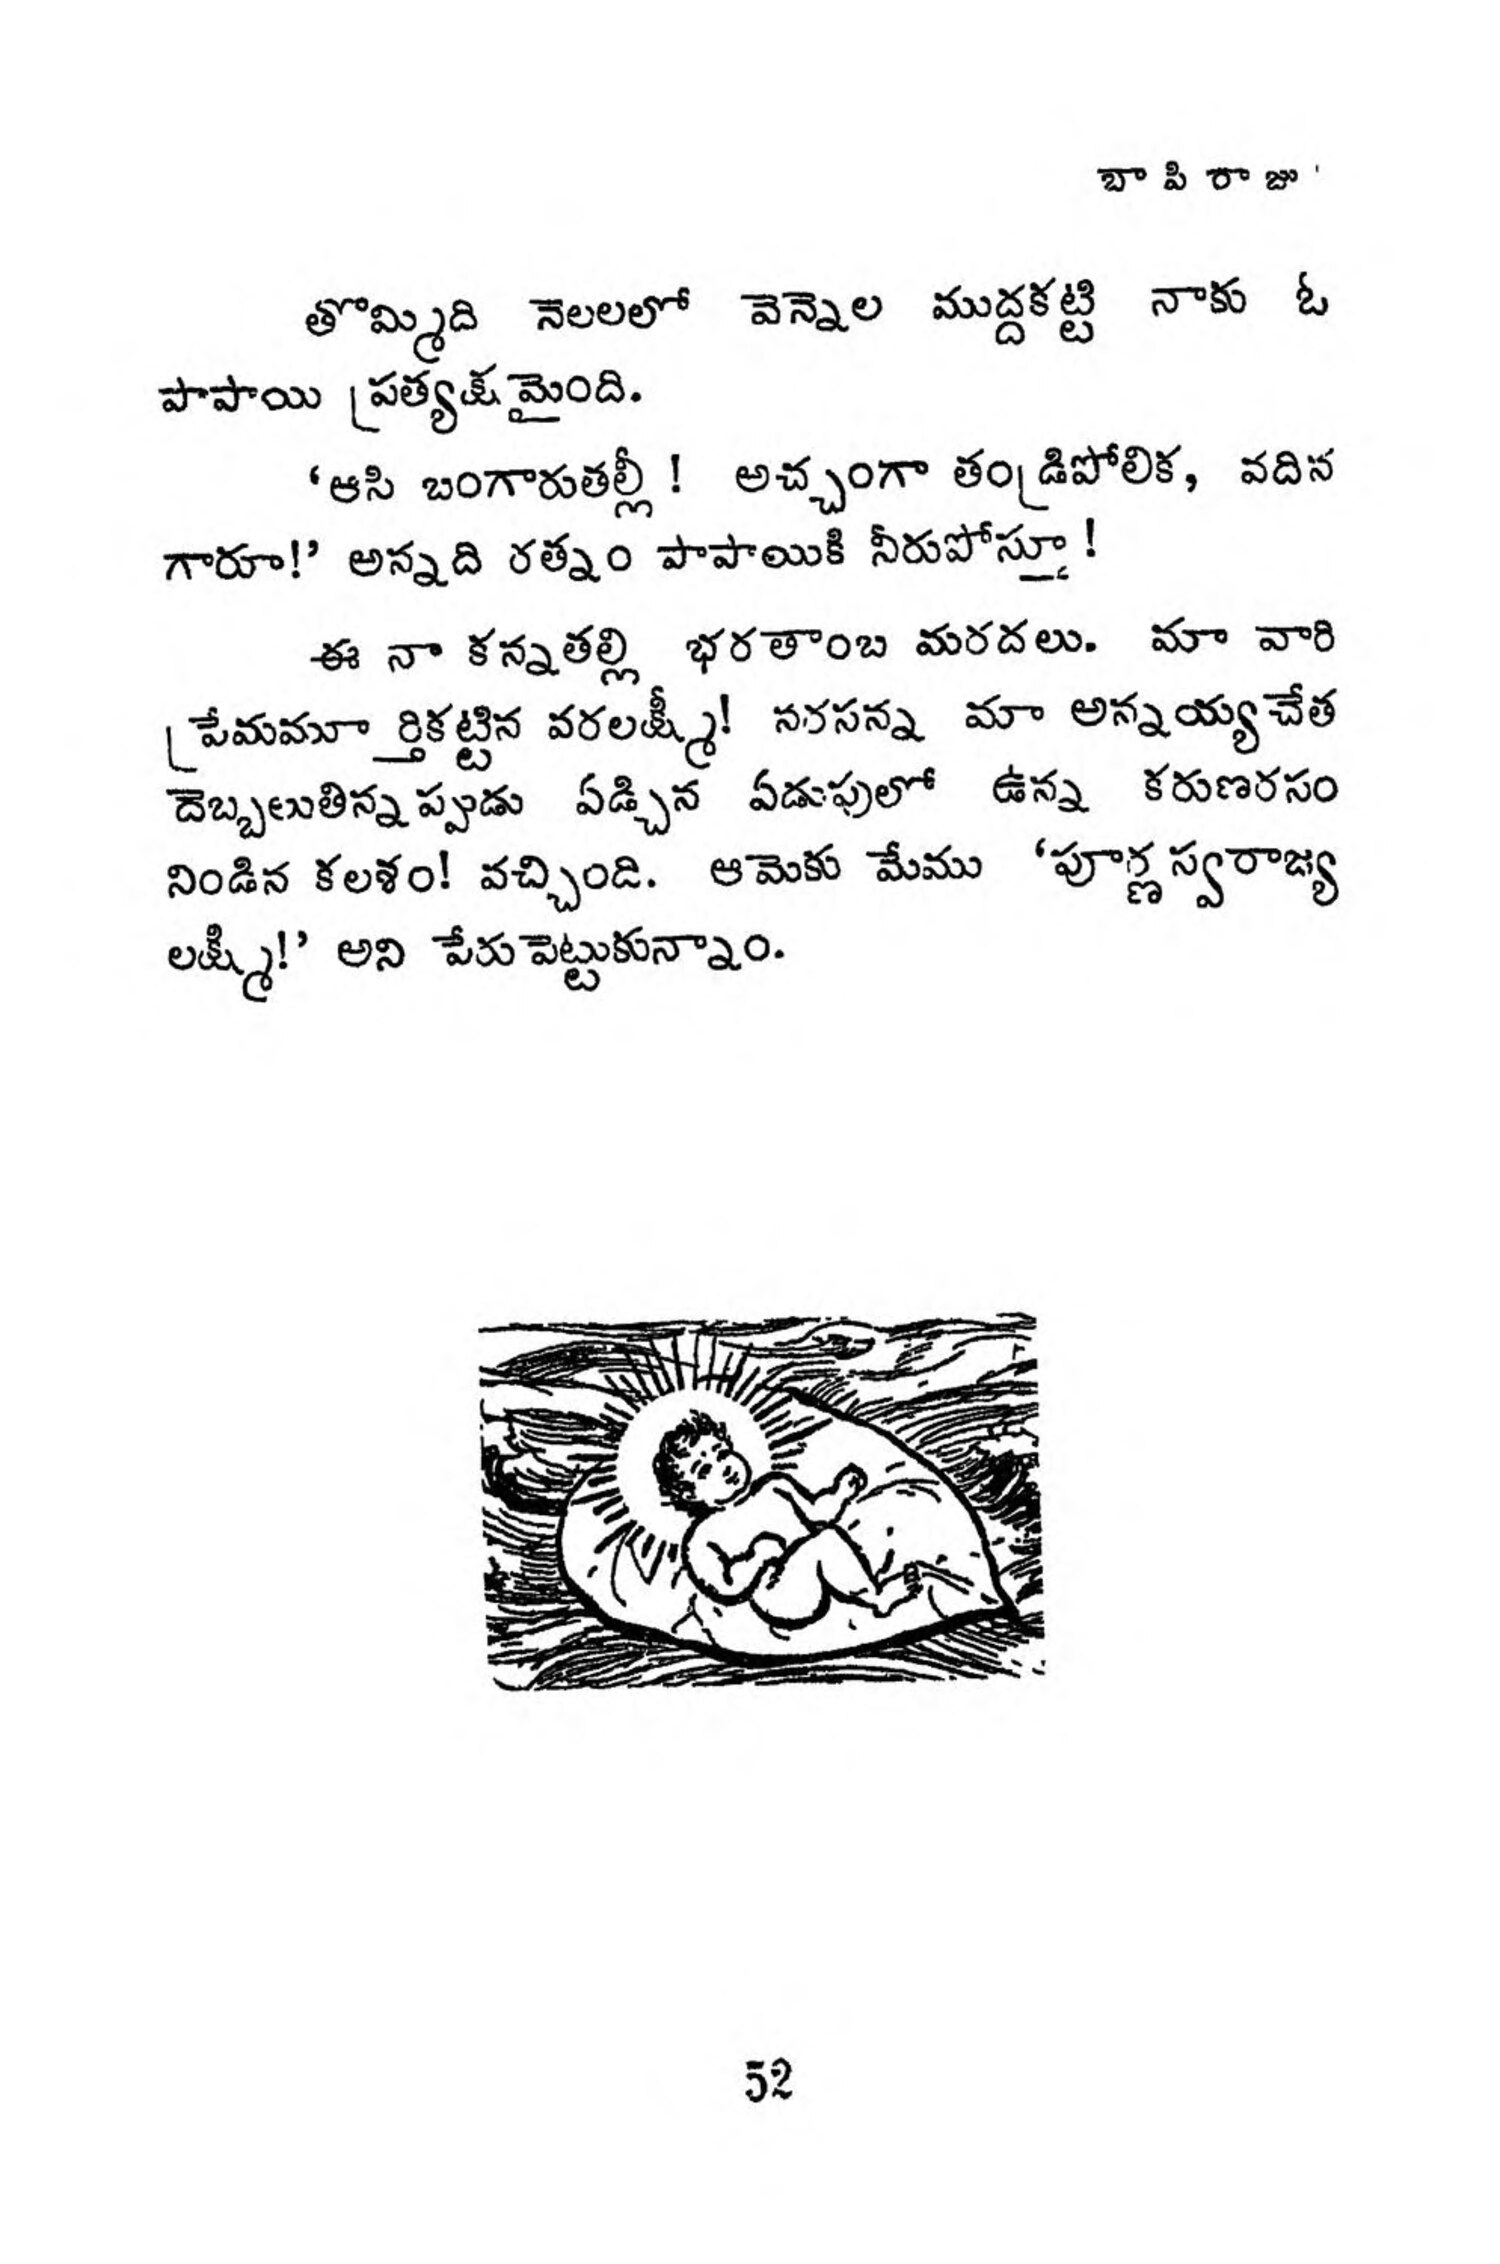తొమ్మిది నెలలలో వెన్నెల ముద్దకట్టి నాకు ఓ పాపాయి ప్రత్యక్షమైంది.

'ఆసి బంగారుతల్లీ ! అచ్చంగా తండ్రిపోలిక, వదిన గారూ!' అన్నది రత్నం పాపాయికి నీరుపోస్తూ!

ఈ నా కన్నతల్లి భరతాంబ మరదలు. మా వారి ప్రేమమూర్తికట్టిన వరలక్ష్మీ! నరసన్న మా అన్నయ్యచేత దెబ్బలుతిన్నప్పుడు ఏడ్చిన ఏడుపులో ఉన్న కరుణరసం నిండిన కలశం! వచ్చింది. ఆమెకు మేము 'పూర్ణస్వరాజ్య లక్ష్మి!' అని పేరుపెట్టుకున్నాం.